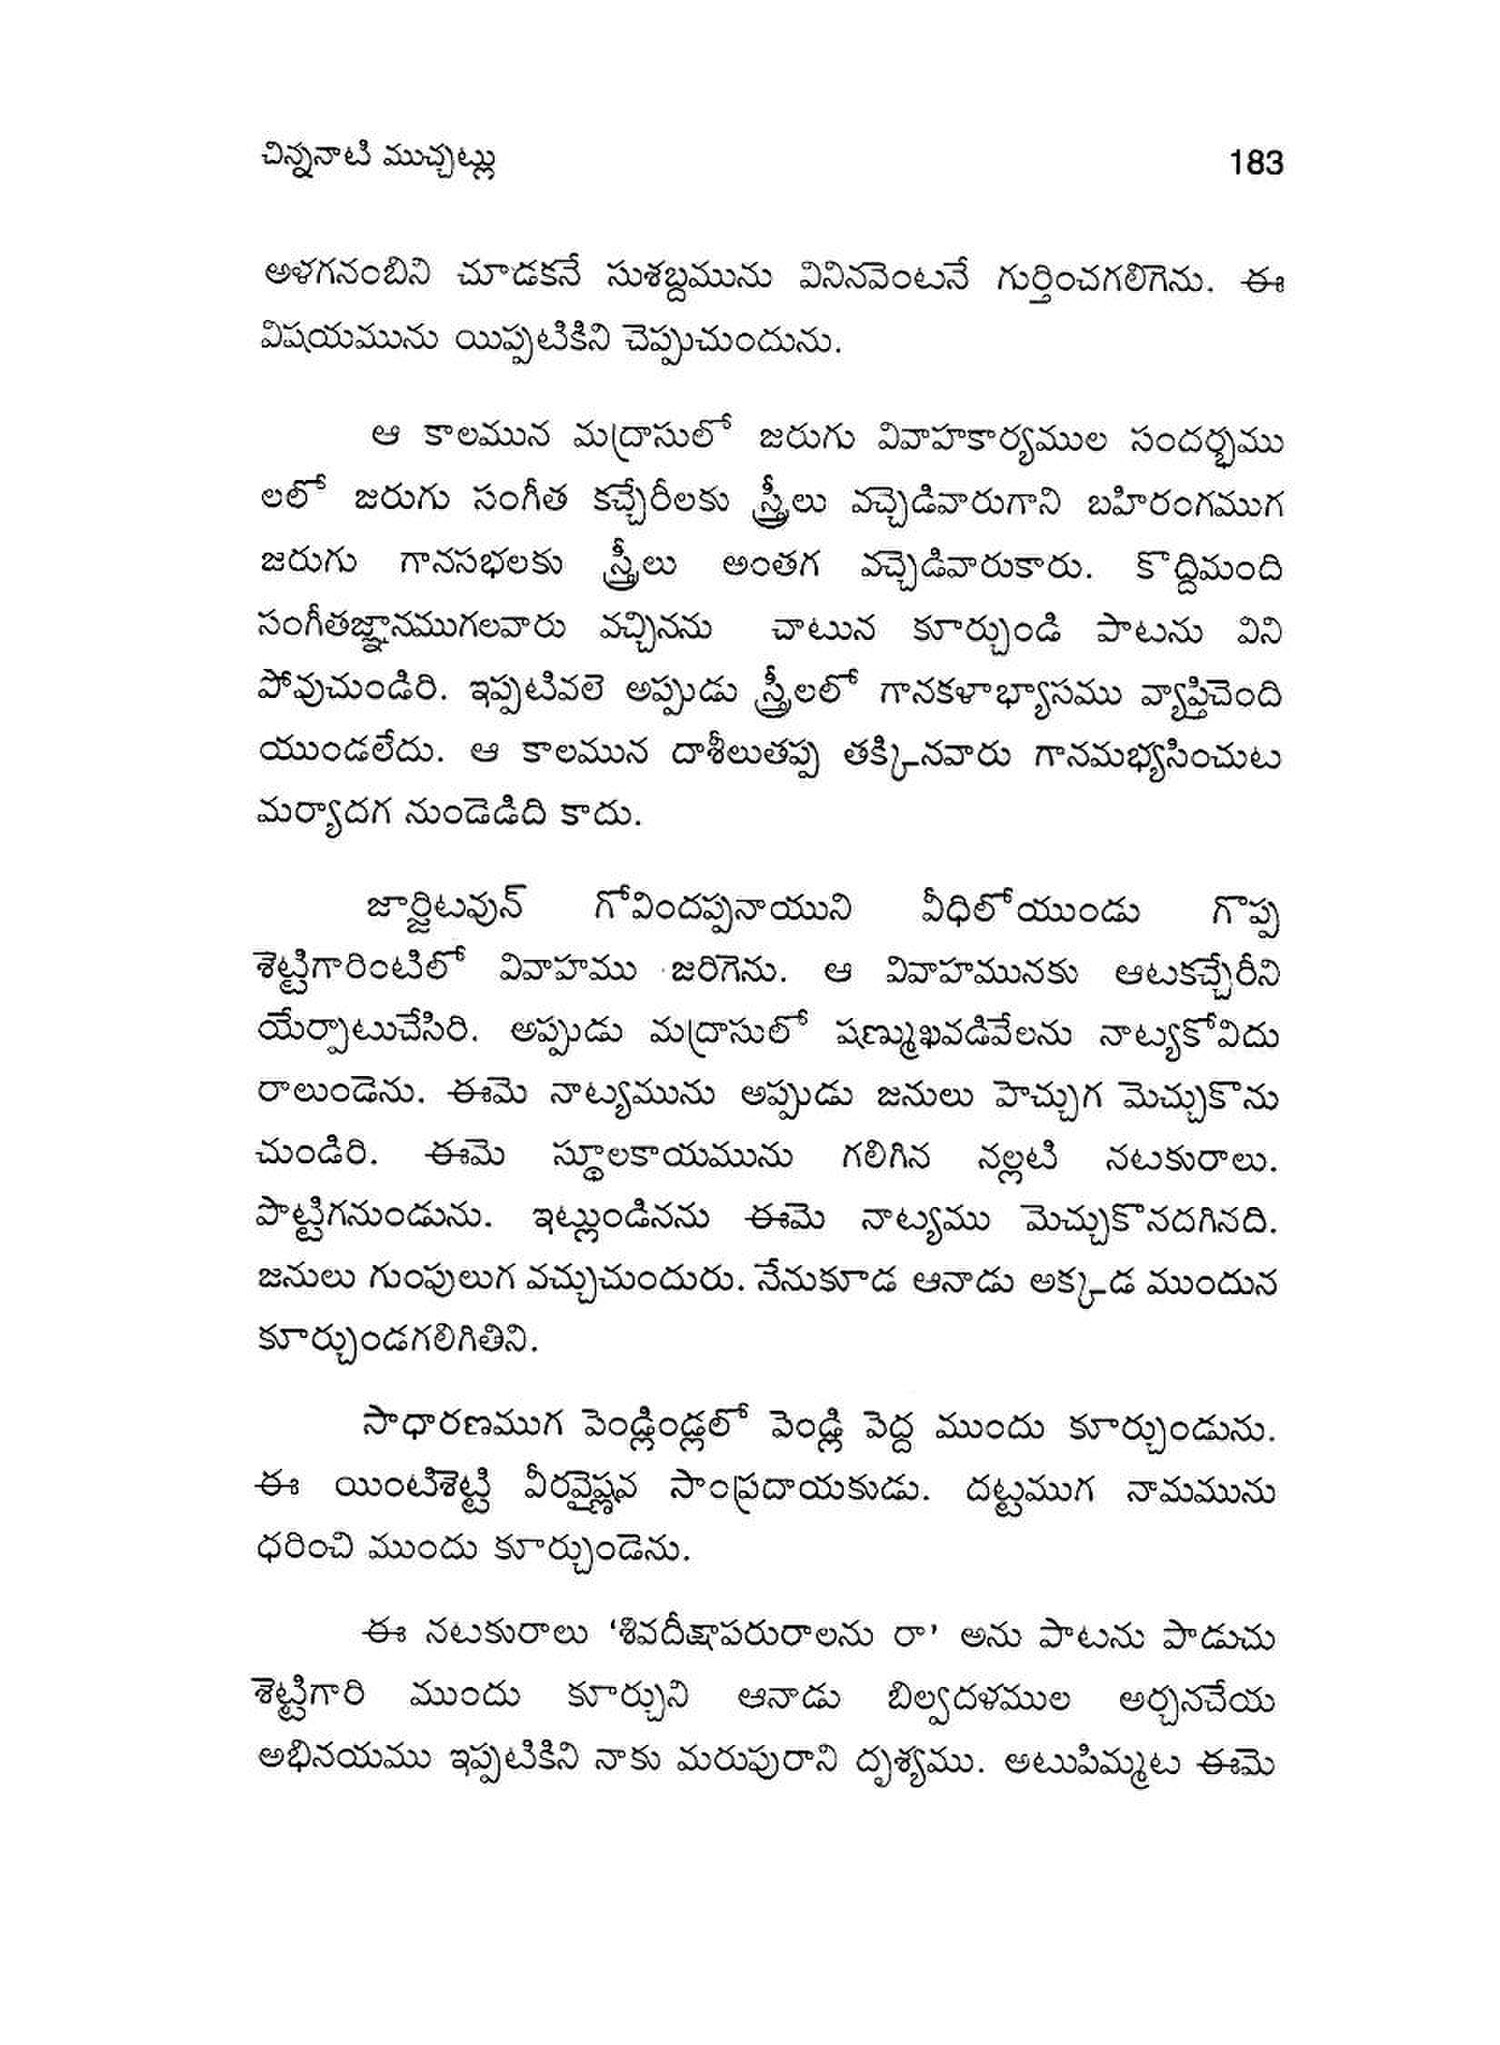అళగనంబిని చూడకనే సుశబ్దమును వినినవెంటనే గుర్తించగలిగెను. ఈ విషయమును యిప్పటికిని చెప్పుచుందును.

ఆ కాలమున మద్రాసులో జరుగు వివాహకార్యముల సందర్భములలో జరుగు సంగీత కచేరీలకు స్త్రీలు వచ్చెడివారుగాని బహిరంగముగ జరుగు గానసభలకు స్త్రీలు అంతగ వచ్చెడివారుకారు. కొద్దిమంది సంగీతజ్ఞానముగలవారు వచ్చినను చాటున కూర్చుండి పాటను విని పోవుచుండిరి. ఇప్పటివలె అప్పుడు స్త్రీలలో గానకళాభ్యాసము వ్యాప్తిచెంది యుండలేదు. ఆ కాలమున దాశీలుతప్ప తక్కినవారు గానమభ్యసించుట మర్యాదగ నుండెడిది కాదు.

జార్జిటవున్ గోవిందప్పనాయుని వీధిలో యుండు గొప్ప శెట్టిగారింటిలో వివాహము జరిగెను. ఆ వివాహమునకు ఆటకచ్చేరీని యేర్పాటుచేసిరి. అప్పడు మద్రాసులో షణ్ముఖవడివేలను నాట్యకోవిదురాలుండెను. ఈమె నాట్యమును అప్పుడు జనులు హెచ్చుగ మెచ్చుకొను చుండిరి. ఈమె స్థూలకాయమును గలిగిన నల్లటి నటకురాలు. పొట్టిగనుండును. ఇట్లుండినను ఈమె నాట్యము మెచ్చుకొనదగినది. జనులు గుంపులుగ వచ్చుచుందురు. నేనుకూడ ఆనాడు అక్కడ ముందున కూర్చుండగలిగితిని.

సాధారణముగ పెండ్లిండ్లలో పెండ్లి పెద్ద ముందు కూర్చుండును. ఈ యింటిశెట్టి వీరవైష్ణవ సాంప్రదాయకుడు. దట్టముగ నామమును ధరించి ముందు కూర్చుండెను.

ఈ నటకురాలు 'శివదీక్షాపరురాలను రా' అను పాటను పాడుచు శెట్టిగారి ముందు కూర్చుని ఆనాడు బిల్వదళముల అర్చనచేయ అభినయము ఇప్పటికిని నాకు మరుపురాని దృశ్యము. అటుపిమ్మట ఈమె